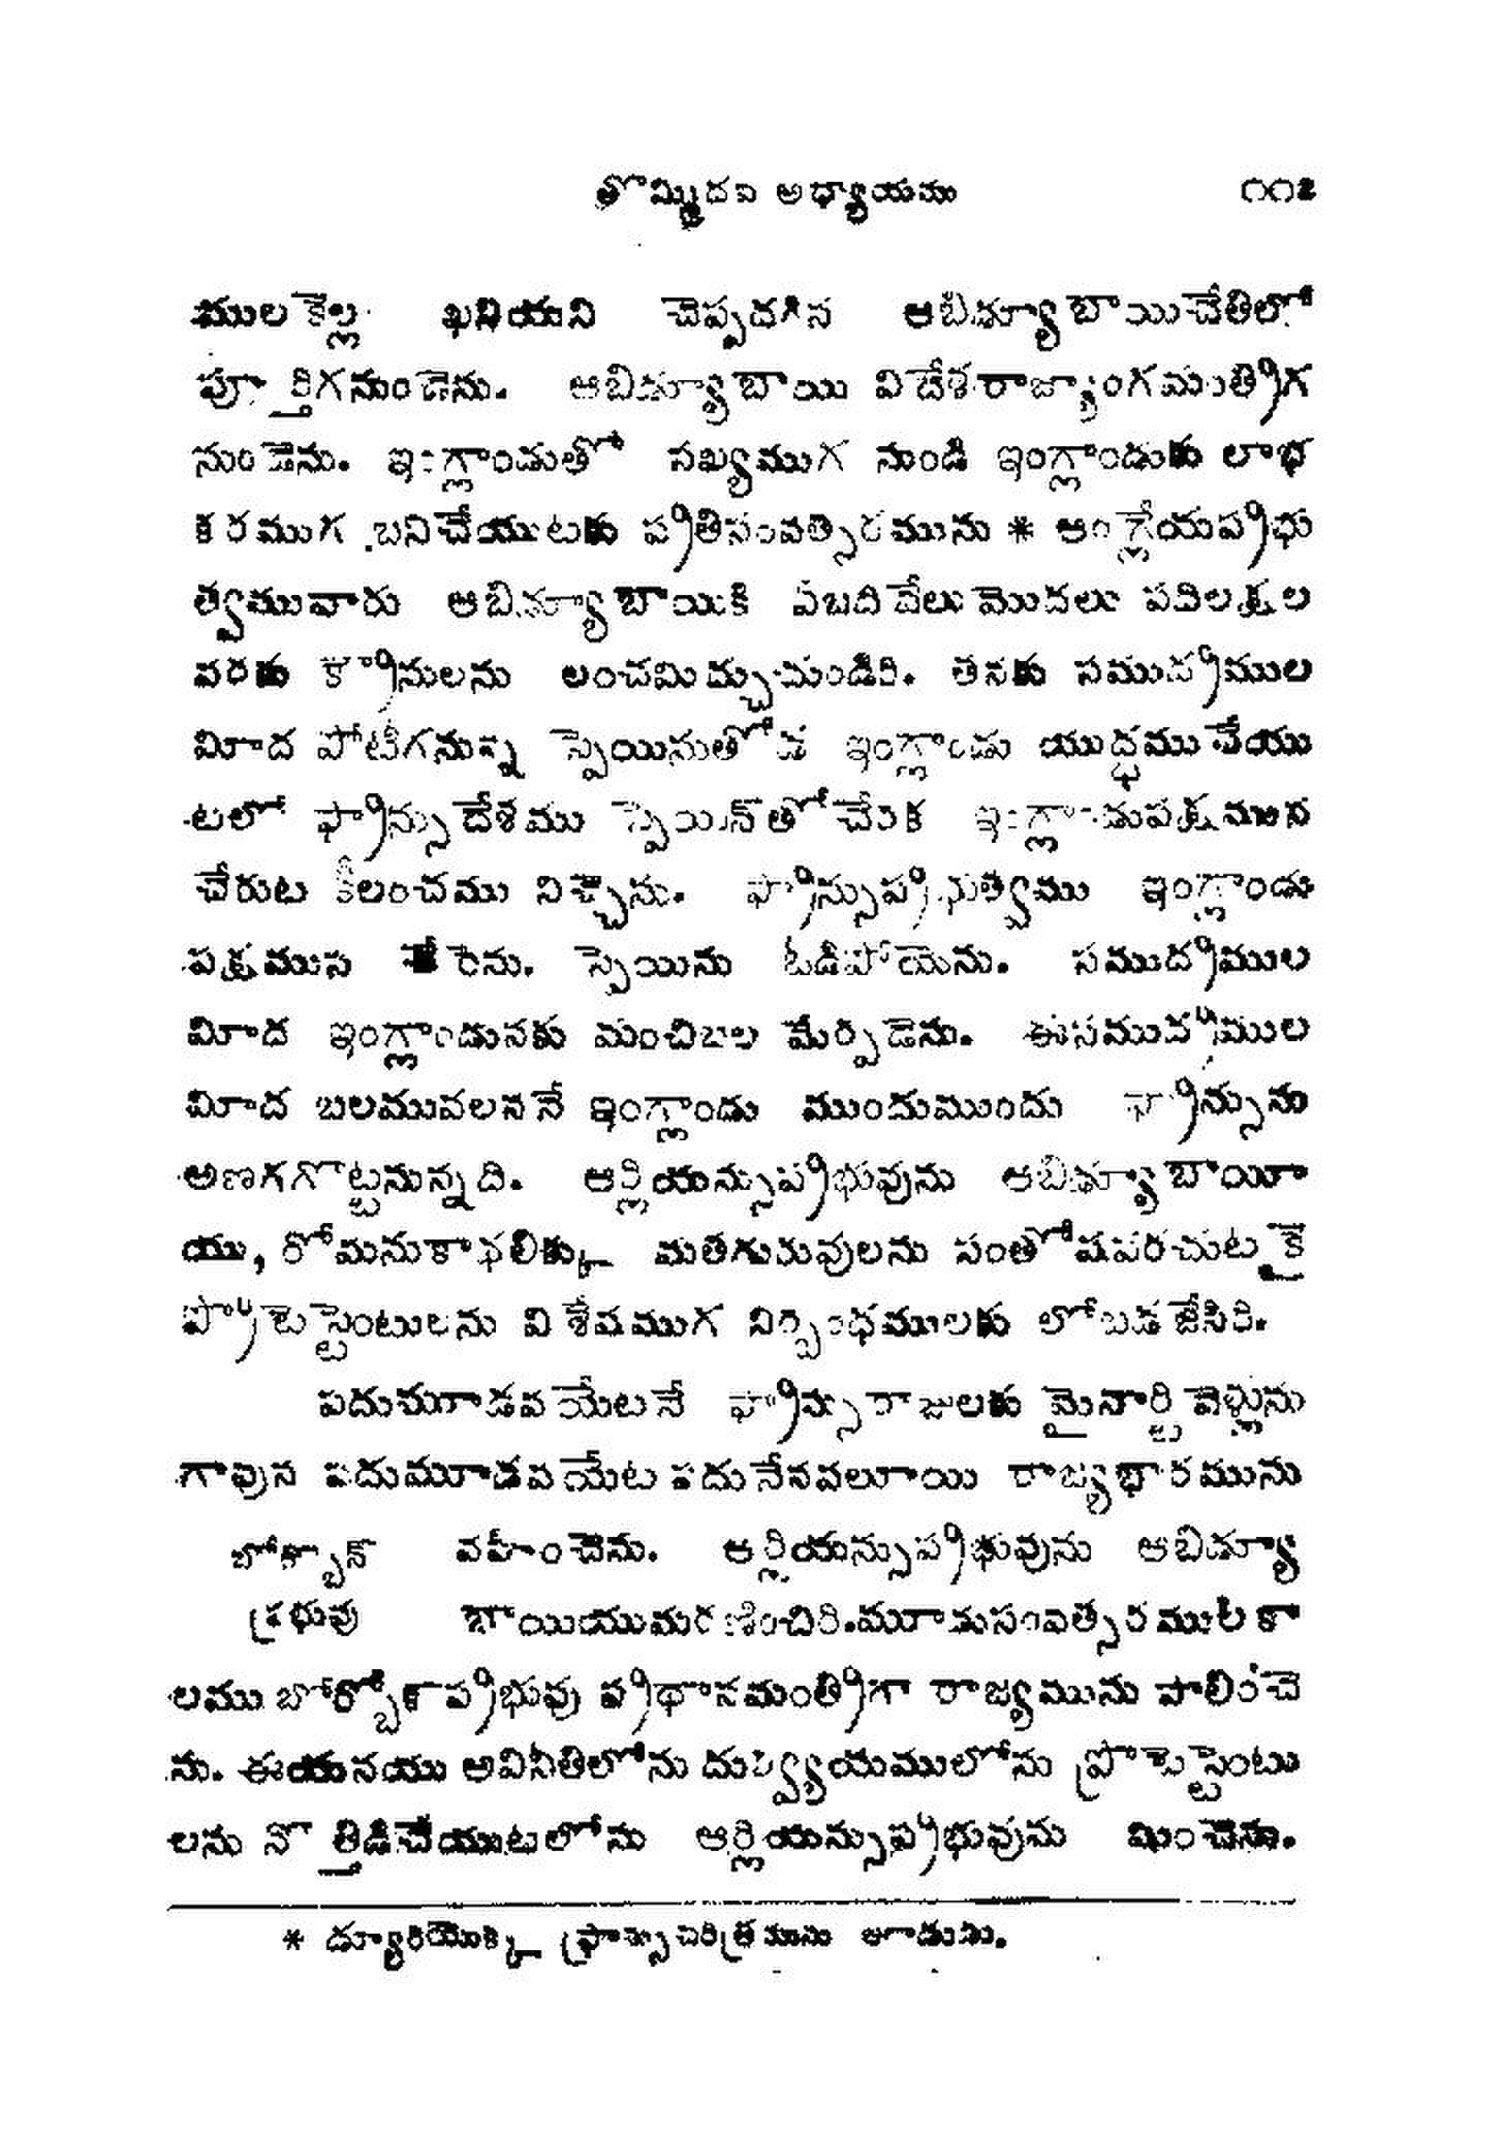ముల కెల్ల ఖనియని చెప్పదగిన ఆబిడ్యూ బాయిచేతిలో
పూర్తిగనుండెను. ఆ బిడ్యూబాయి విదేశ రాజ్యాంగమంత్రిగ
నుండెను. ఇంగ్లాండుతో సఖ్యముగ నుండి ఇంగ్లాండుకు లాభ
కరముగ ,బనిచేయుటకు ప్రతి సంవత్సరమును *ఆంగ్లేయ ప్రభు
త్వమువారు అబిడ్యూబాయికి ఏబది వేలు మొదలు పదిలక్షల
వరకు క్రౌనులను లంచమిచ్చు చుండిరి. తనకు సముహముల
మీద పోటీగ నున్న స్పెయినుతో - ఇంగ్లాండు యుద్ధము చేయు
టలో ఫ్రాన్సు దేశము స్పెయిస్ తోడ చేరక ఇంగ్లాండు పక్షమున
చేరుటకీ లంచము నిశ్చిను. ఫాస్సు ప్రభుత్వము ఇంగ్లాండు
పక్షమున -చేరెను. స్పెయిను ఓడిపోయెను. సముద్రముల
మీద ఇంగ్లాండునకు మంచి బమేర్పడెను. ఈసముద్రముల
మీద బలమువలననే ఇంగ్లాండు ముందుముందు ఫ్రాన్సును
అణగగొట్టనున్నది. అర్లియస్సు ప్రభువును అబిడ్యూయ బాయి
యు, రోమనుకాదలిక్కు మతగురువులను సంతోషపరచుట
ప్రొటెస్టెంటులను వి శేషముగ నిర్బంధములకు లోబడ జేసిరి.

బోస్బోన్
ప్రభువు
పదుమూడవ యేటనే ఫొస్సు రాజులకు మైనార్జి వెళ్లును
గావున పదమూడవయేట పదు నేనప లూయి రాజ్యభారమును
వహించెను. అర్లియన్సు ప్రభువును ఆబిడ్యూ
బాయియు మరణించిరి.మూడు సంవత్సరములకా
లము బోర్బోన్ ప్రభువు ప్రధానమంత్రిగా రాజ్యమును పాలిచె
సు. ఈయనయు అవినీతిలోను దుర్వ్యియములోను ప్రొసెస్టెంటు
లను నొ త్తిడి చేయుటలోను ఆర్లియన్సు ప్రభువును మించెను.

..................................................................................